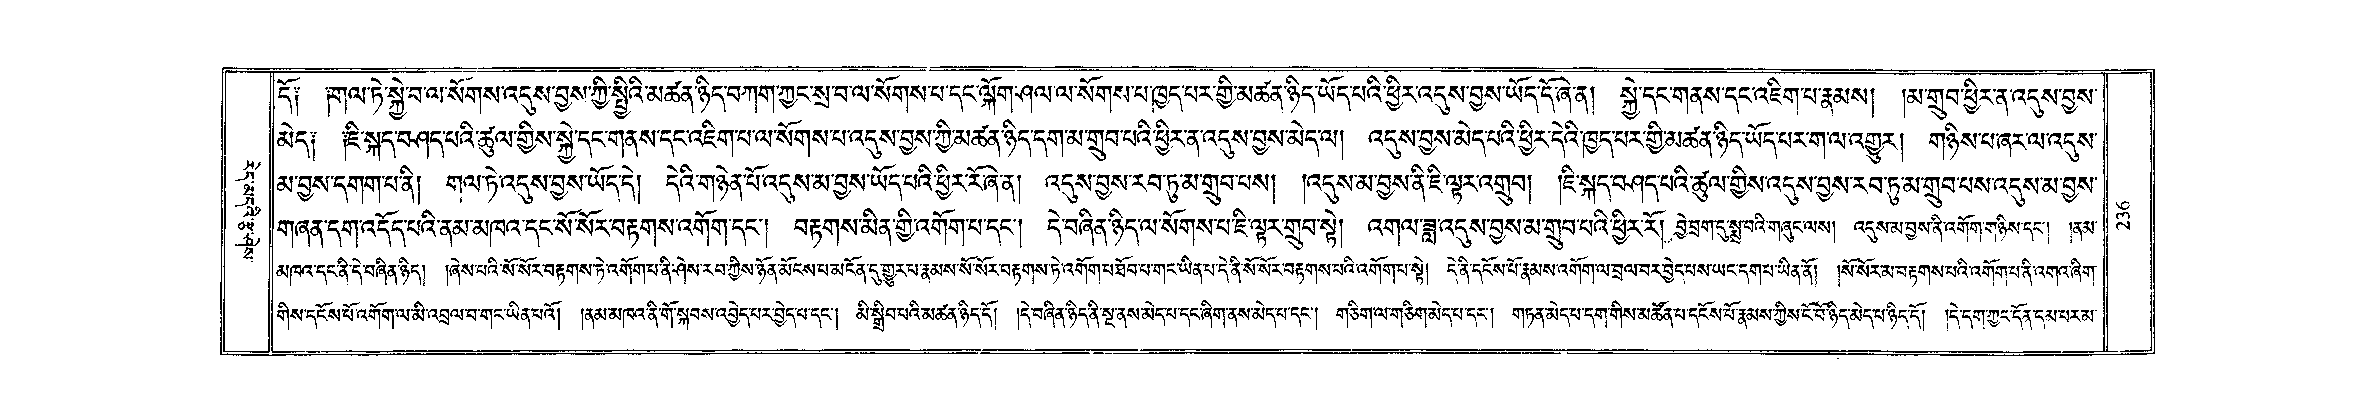དོ༑ ༑གལ་ཏེ་སྐྱེ་བ་ལ་སོགས་འདུས་བྱས་ཀྱི་སྤྱིའི་མཚན་ཉིད་བཀག་ཀྱང་སྲ་བ་ལ་སོགས་པ་དང་ལྐོག་ཤལ་ལ་སོགས་པ་ཁྱད་པར་གྱི་མཚན་ཉིད་ཡོད་པའི་ཕྱིར་འདུས་བྱས་ཡོད་དོ་ཞེ་ན། སྐྱེ་དང་གནས་དང་འཇིག་པ་རྣམས། །མ་གྲུབ་ཕྱིར་ན་འདུས་བྱས་
མེད༑ ༑ཇི་སྐད་བཤད་པའི་ཚུལ་གྱིས་སྐྱེ་དང་གནས་དང་འཇིག་པ་ལ་སོགས་པ་འདུས་བྱས་ཀྱི་མཚན་ཉིད་དག་མ་གྲུབ་པའི་ཕྱིར་ན་འདུས་བྱས་མེད་ལ། འདུས་བྱས་མེད་པའི་ཕྱིར་དེའི་ཁྱད་པར་གྱི་མཚན་ཉིད་ཡོད་པར་ག་ལ་འགྱུར། གཉིས་པ་ཞར་ལ་འདུས་
མ་བྱས་དགག་པ་ནི། གལ་ཏེ་འདུས་བྱས་ཡོད་དེ། དེའི་གཉེན་པོ་འདུས་མ་བྱས་ཡོད་པའི་ཕྱིར་རོ་ཞེ་ན། འདུས་བྱས་རབ་ཏུ་མ་གྲུབ་པས། །འདུས་མ་བྱས་ནི་ཇི་ལྟར་འགྲུབ། །ཇི་སྐད་བཤད་པའི་ཚུལ་གྱིས་འདུས་བྱས་རབ་ཏུ་མ་གྲུབ་པས་འདུས་མ་བྱས་
གཞན་དག་འདོད་པའི་ནམ་མཁའ་དང་སོ་སོར་བརྟགས་འགོག་དང་། བརྟགས་མིན་གྱི་འགོག་པ་དང་། དེ་བཞིན་ཉིད་ལ་སོགས་པ་ཇི་ལྟར་གྲུབ་སྟེ། འགལ་ཟླ་འདུས་བྱས་མ་གྲུབ་པའི་ཕྱིར་རོ། བྱེ་བྲག་དུ་སྨྲ་བའི་གཞུང་ལས། འདུས་མ་བྱས་ནི་འགོག་གཉིས་དང་། །ནམ་
མཁའ་དང་ནི་དེ་བཞིན་ཉིད། །ཞེས་པའི་སོ་སོར་བརྟགས་ཏེ་འགོག་པ་ནི་ཤེས་རབ་ཀྱིས་ཉོན་མོངས་པ་མངོན་དུ་གྱུར་པ་རྣམས་སོ་སོར་བརྟགས་ཏེ་འགོག་པ་ཐོབ་པ་གང་ཡིན་པ་དེ་ནི་སོ་སོར་བརྟགས་པའི་འགོག་པ་སྟེ། དེ་ནི་དངོས་པོ་རྣམས་འགོག་པ་བྲལ་བར་བྱེད་པས་ཡང་དག་པ་ཡིན་ནོ། །སོ་སོར་མ་བརྟགས་པའི་འགོག་པ་ནི་འགའ་ཞིག་
གིས་དངོས་པོ་འགོག་ལ་མི་འབྲལ་བ་གང་ཡིན་པའོ། །ནམ་མཁའ་ནི་གོ་སྐབས་འབྱེད་པར་བྱེད་པ་དང་། མི་སྒྲིབ་པའི་མཚན་ཉིད་དོ། །དེ་བཞིན་ཉིད་ནི་སྔ་ནས་མེད་པ་དང་ཞིག་ནས་མེད་པ་དང་། གཅིག་ལ་གཅིག་མེད་པ་དང་། གཏན་མེད་པ་དག་གིས་མཚོན་པ་དངོས་པོ་རྣམས་ཀྱིས་ངོ་བོ་ཉིད་མེད་པ་ཉིད་དོ། །དེ་དག་ཀྱང་དོན་དམ་པར་མ་